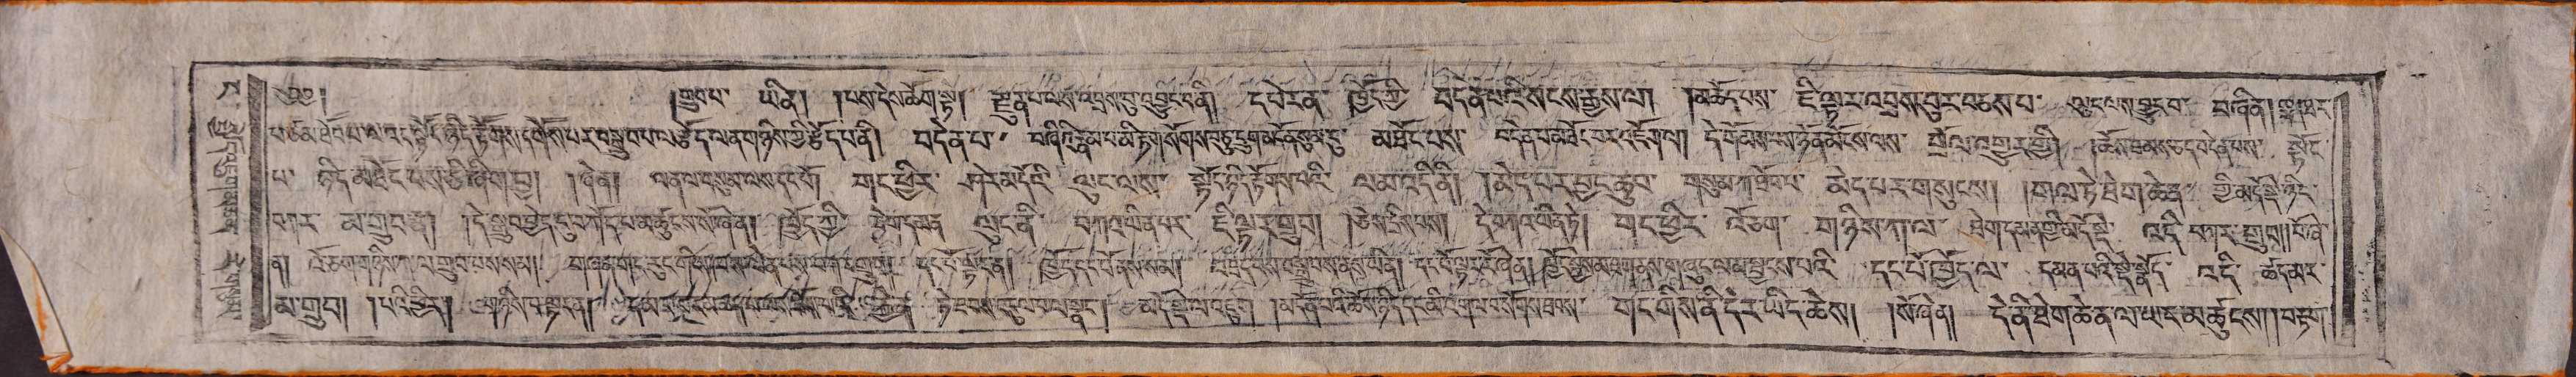༄༅། །གྲུབ་པ་ཡིན། །པས་དེས་ཆོག་སྟེ། རྫུན་པ་ལས་འབྲས་བུ་འབྱུང་བ་ནི།  དཔེར་ན་ཁྱོད་ཀྱི་བདེན་པའི་སངས་རྒྱས་ལ། །མཆོད་པས་ཇི་ལྟར་འབྲས་བུར་བཅས་པ་ལུང་ལས་བྱུང་བ་བཞིན། ༈ །ཐར་
པ་ཙམ་ཐོབ་པ་ལའང་སྟོང་ཉིད་རྟོགས་དགོས་པར་བསྒྲུབ་པ་ལ་རྩོད་ལན་གཉིས་ཀྱི་རྩོད་པ་ནི། བདེན་པ་བཞིའི་རྣམ་པ་མི་རྟག་སོགས་བཅུ་དྲུག་མངོན་སུམ་དུ་མཐོང་བས་བདེན་པ་མཐོང་བར་འཇོག་ལ། དེ་གོམས་པས་ཉོན་མོངས་ལས་གྲོལ་འགྱུར་གྱི། །ཆོས་ཐམས་ཅད་བདེན་པས་སྟོང་
པ་ཉིད་མཐོང་བས་ཅི་ཞིག་བྱ། །ཞེ་ན། ལན་ལ་གསུམ་ལས་དང་པོ།  གང་ཕྱིར་ཤེར་མདོའི་ལུང་ལས་སྟོང་ཉིད་རྟོགས་པའི་ལམ་འདི་ནི། །མེད་པར་བྱང་ཆུབ་གསུམ་ཀ་ཐོབ་པ་མེད་པར་གསུངས། །གལ་ཏེ་ཐེག་ཆེན་གྱི་མདོ་སྡེ་ཉིད་
བཀར་མ་གྲུབ་ན། །དེ་སྒྲུབ་བྱེད་དུ་བཀོད་པ་མཚུངས་སོ་ཞེ་ན།  ཁྱོད་ཀྱི་ཐེག་དམན་ལུང་ནི་བཀའ་ཡིན་པར་ཇི་ལྟར་གྲུབ། །ཅེས་བྲིས་པས། དེ་བཀའ་ཡིན་ཏེ།  གང་ཕྱིར་འོ་ཅག་གཉིས་ཀ་ལ་ཐེག་དམན་གྱི་མདོ་སྡེ་འདི་བཀར་གྲུབ། ཁོ་ཞེ་
ན༑ འོ་ཅག་གཉིས་ཀ་ལ་གྲུབ་པས་སམ། གཞན་གང་རུང་གིས་ཁས་ལེན་པས་བཀར་གྲུབ། དང་པོ་ལྟར་ན། ཁྱོད་དང་པོ་ནས་སམ། འཐད་པས་བསྒྲུབས་ནས་ཡིན། དང་པོ་ལྟར་རོ་ཞེ་ན། ཁྱོད་སྐྱེས་མ་ཐག་ནས་གཞུང་ལམ་སྦྱངས་པའི། དང་པོ་ཁྱོད་ལ་དམན་པའི་སྡེ་སྣོད་འདི་ཚད་མར
མ་གྲུབ། །པའི་ཕྱིར། གཉིས་པ་ལྟར་ན། དམ་པ་བར་མ་ཆད་པ་ལས་ཐོས་པའི་རྐྱེན་ཏེ་ཐབས་འདུལ་བ་ལ་སྣང་། མདོ་སྡེ་ལ་འཇུག །མངོན་པའི་ཆོས་ཉིད་དང་མི་འགལ་བ་སོགས་ཐབས་གང་གིས་ནི་དེར་ཡིད་ཆེས། །སོ་ཞེ་ན།  དེ་ནི་ཐེག་ཆེན་ལ་ཡང་མཚུངས། བརྟག་